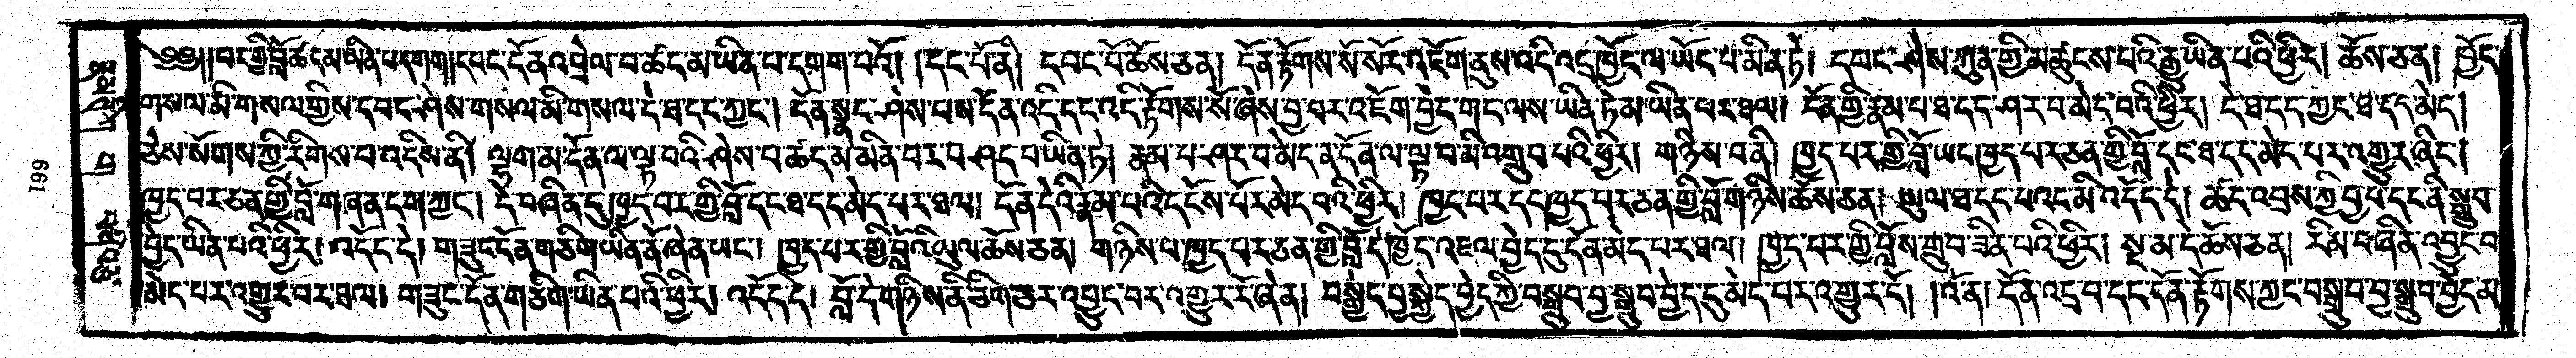༄༅། །བར་གྱི་བློ་ཚད་མ་མིན་པ་དགག། དབང་དོན་འབྲེལ་བ་ཚང་མ་ཡིན་པ་དགག་པའོ། །དང་པོ་ནི། དབང་པོ་ཆོས་ཅན། དོན་རྟོགས་སོ་སོར་འཇོག་ནུས་འདི་འདྲ་ཁྱོད་ལ་ཡོད་པ་མིན་ཏེ། དབང་ཤེས་ཀུན་གྱི་མཚུངས་པའི་རྒྱུ་ཡིན་པའི་ཕྱིར། ཆོས་ཅན། ཁྱོད་
གསལ་མི་གསལ་གྱིས་དབང་ཤེས་གསལ་མི་གསལ་དེ་ཐ་དད་ཀྱང་། དོན་སྣང་ཤེས་པས་དོན་འདི་དང་འདི་རྟོགས་སོ་ཞེས་བྱ་བར་འཇོག་བྱེད་གང་ལས་ཡིན་ཏེ་མ་ཡིན་པར་ཐལ། ངོན་གྱི་རྣམ་པ་ཐ་དད་ཤར་བ་མེད་པའི་ཕྱིར། དེ་ཐ་དད་ཀྱང་ཐ་དད་མེད།
ཅེས་སོགས་ཀྱི་རིགས་པ་འདིས་ནི། ལྷག་མ་དོན་ལ་ལྟ་བའི་ཤེས་པ་ཚད་མ་མིན་བར་བཤད་པ་ཡིན་ཏེ། རྣམ་པ་ཤར་བ་མེད་ན་དོན་ལ་ལྟ་བ་མི་འགྲུབ་པའི་ཕྱིར། གཉིས་བ་ནི། ཁྱད་པར་གྱི་བློ་ཡང་ཁྱད་པར་ཅན་གྱི་བློ་དང་ཐ་དད་མེད་པར་འགྱུར་ཞིང་།
ཁྱད་བར་ཅན་གྱི་བློ་གཞན་དག་ཀྱང་། དེ་བཞིན་དུ་ཁྱད་བར་གྱི་བློ་དང་ཐ་དད་མེད་པར་ཐལ། དོན་དེའི་རྣམ་པའི་དངོས་པོར་མེད་པའི་ཕྱིར། ཁྱད་པར་དང་ཁྱད་པར་ཅན་གྱི་བློ་གཉིས་ཆོས་ཅན། ཡུལ་ཐ་དང་པའང་མི་འདོད་དེ། ཚད་འབྲས་ཀྱི་བྱ་བ་དང་ནི་སྒྲུབ་
བྱེད་ཡིན་པའི་ཕྱིར། འདོད་དེ། གཟུང་དོན་གཅིག་ཡིན་ནོ་ཞེན་ཡང་། ཁྱད་པར་གྱི་བློའི་ཡུལ་ཆོས་ཅན། གཉིས་པ་ཁྱད་པར་ཅན་གྱི་བློ་དེ་ཁྱོད་འཇལ་བྱེད་དུ་དོན་མེད་པར་ཐལ། ཁྱད་པར་གྱི་བློས་གྲུབ་ཟིན་པའི་ཕྱིར། སྔ་མ་དེ་ཆོས་ཅན། རིམ་བཞིན་འབྱུང་བ་
མེད་པར་འགྱུར་བར་ཐལ། གཟུང་དོན་གཅིག་ཡིན་པའི་ཕྱིར། འདོད་དེ། བློ་དེ་གཉིས་ནི་ཅིག་ཅར་འབྱུང་བར་འགྱུར་རོ་ཞེ་ན། བསྒྱེད་བྱ་སྐྱེད་བྱེད་ཀྱི་བསྒྲུབ་བྱ་སྒྲུབ་བྱེད་དུ་མེད་པར་འགྱུར་དོ། །འོ་ན། དོན་འདྲ་བ་དང་དོན་རྟོགས་ཀྱང་བསྒྲུབ་བྱ་སྒྲུབ་བྱེད་མ་